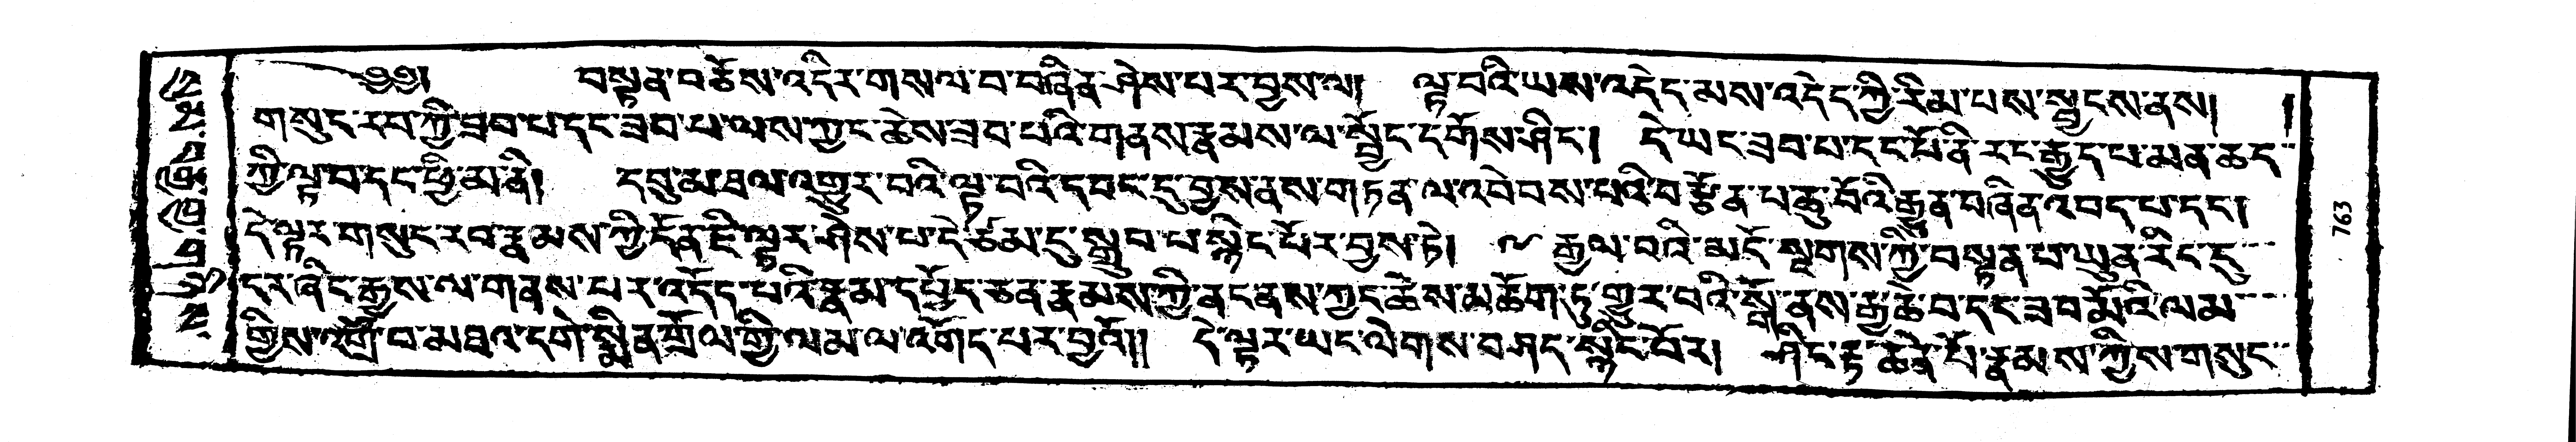༄༅། །བསྟན་བཅོས་འདིར་གསལ་བ་བཞིན་ཤེས་པར་བྱས་ལ། ལྟ་བའི་ཡས་འདེད་མས་འདེད་ཀྱི་རིམ་པས་སྦྱངས་ནས། །
གསུང་རབ་ཀྱི་ཟབ་པ་དང་ཟབ་པ་ལས་ཀྱང་ཆེས་ཟབ་པའི་གནས་རྣམས་ལ་སྦྱོང་དགོས་ཤིང་། དེ་ཡང་ཟབ་པ་དང་པོ་ནི་རང་རྒྱུད་པ་མན་ཆད་
ཀྱི་ལྟ་བ་དང་ཕྱི་མ་ནི། དབུ་མ་ཐལ་འགྱུར་བའི་ལྟ་བའི་དབང་དུ་བྱས་ནས་གཏན་ལ་འབེབས་པའི་བརྩོན་པ་ཆུ་བོའི་རྒྱུན་བཞིན་འབད་པ་དང་།
དེ་ལྟར་གསུང་རབ་རྣམས་ཀྱི་དོན་ཇི་ལྟར་ཤེས་པ་དེ་ཙམ་དུ་སྒྲུབ་པ་སྙིང་པོར་བྱས་ཏེ། ༧་རྒྱལ་བའི་མདོ་སྔགས་ཀྱི་བསྟན་པ་ཡུན་རིང་དུ་
དར་ཞིང་རྒྱས་ལ་གནས་པར་འདོད་པའི་རྣམ་དཔྱོད་ཅན་རྣམས་ཀྱི་ནང་ནས་ཀྱང་ཆེས་མཆོག་ཏུ་གྱུར་བའི་སྒོ་ནས་རྒྱ་ཆེ་བ་དང་ཟབ་མོའི་ལམ་
གྱིས་འགྲོ་བ་མཐའ་དགེ་སྨིན་གྲོལ་གྱི་ལམ་ལ་འགོད་པར་བྱའོ།། དེ་ལྟར་ཡང་ལེགས་བཤད་སྙིང་པོར། ཤིང་རྟ་ཆེན་པོ་རྣམས་ཀྱིས་གསུང་